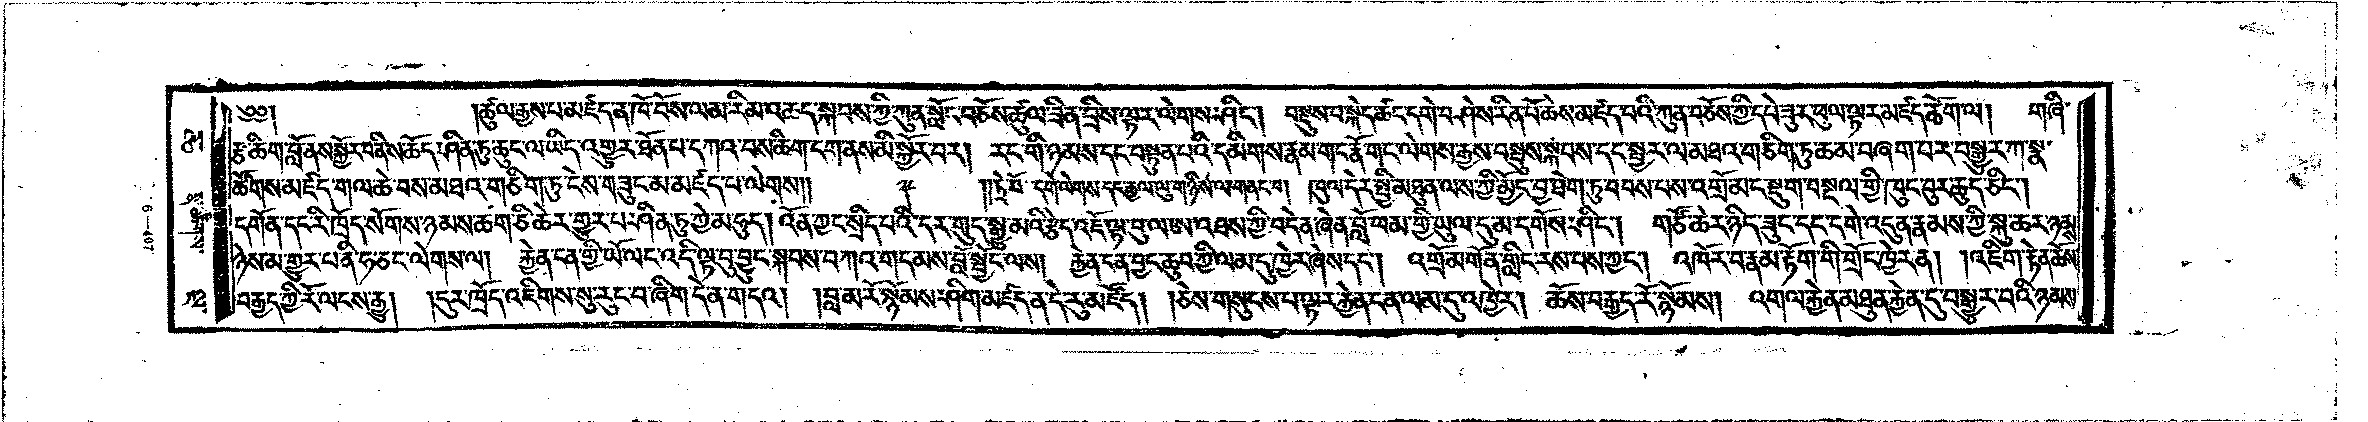༄༅། །ཚུལ་རྒྱས་པ་མཛད་ན་ཁོ་བོས་ལམ་རིམ་འཆད་སྐབས་ཀྱི་ཀུན་སློང་བཅོས་ཚུལ་ཟིན་བྲིས་ལྟར་ལེགས་ཤིང་། བསྡུས་པ་སྐེད་ཚང་དགེ་བཤེས་རིན་པོ་ཆེས་མཛད་པའི་ཀུན་བཅོས་ཀྱི་དཔེ་ཟུར་ཕུལ་ལྟར་མཛད་ཆོག་ལ། གཞི་
རྩ་ཆིག་བློ་ནས་སྐྱོར་བ་ནིས་ཆོད་ཤིན་ཏུ་ཆུང་ལ་ཡིད་འགྱུར་ཐོན་པ་དཀའ་བས་ཆིག་དག་ནས་མི་སྐྱོར་བར། རང་གི་ཉམས་དང་བསྟུན་པའི་དམིགས་རྣམ་གང་རྣོ་གང་ལེགས་རྒྱས་བསྤུས་སྐབས་དང་སྦྱར་ལ་མཐའ་གཅིག་ཏུ་ཆམ་བཞག་པར་བསྒྱུར་ཀ་སྣ་
ཚོགས་མཛད་གལ་ཆེ་བས་མཐའ་གཅིག་ཏུ་ངེས་གཟུང་མ་མཛད་པ་ལེགས།། ༈ །།ཏྲེ་བོ་དགེ་ལེགས་དང་རྒྱལ་ལུ་གཉིས་ལ་གནང་བ།  ཁུལ་དེར་སྤྱི་མཐུན་ལས་ཀྱི་མྱོང་བྱ་ཐེག་ཏུ་བབས་པས་འགྲོ་མང་སྡུག་བསྔལ་གྱི་ཁུང་བུར་ཆུད་ཅིང་།
དགོན་དང་རི་ཁྲོད་སོགས་ཉམས་ཆག་ཅི་ཆེར་གྱུར་པ་ཤིན་ཏུ་ཀྱེ་མ་ཧུད། འོན་ཀྱང་སྲིད་པའི་དར་གུད་སྒྱུ་མའི་རྩེད་འཇོ་ལྟ་བུ་ལ་ཨ་འཐས་ཀྱི་བདེན་ཞེན་བློ་ཕམ་གྱི་ཡུལ་དུ་མ་དགོས་ཤིང་། གཙོ་ཆེར་ཉིད་ཟུང་དང་དགེ་འདུན་རྣམས་ཀྱི་སྐུ་ཆར་ཉམས་
ཉེས་མ་གྱུར་པ་ནི་ཧ་ཅང་ལེགས་ལ། རྐྱེན་ངན་གྱི་ཡོ་ལང་འདི་ལྟ་བུ་བྱུང་སྐབས་བཀའ་གདམས་བློ་སྦྱོང་ལས། རྐྱེན་ངན་བྱང་ཆུབ་ཀྱི་ལམ་དུ་ཁྱེར་ཞེས་དང་། འགྲོ་མགོན་གླིང་རས་པས་ཀྱང་། འཁོར་བ་རྣམ་རྟོག་གི་གྲོང་ཁྱེར་ན། །འཇིག་རྟེན་ཆོས་
བརྒྱད་ཀྱི་རོ་ལངས་རྒྱུ། །དུར་ཁྲོད་འཇིགས་སུ་རུང་བ་ཞིག་དེ་ན་གདའ། །བླ་མ་རོ་སྙོམས་ཤིག་མཛད་ན་དེ་རུ་མཛོད། །ཅེས་གསུངས་པ་ལྟར་རྐྱེན་ངན་ལམ་དུ་འཁྱེར། ཆོས་བརྒྱད་རོ་སྙོམས། འགལ་རྐྱེན་མཐུན་རྐྱེན་དུ་བསྒྱུར་བའི་ཉམས་
༄༅